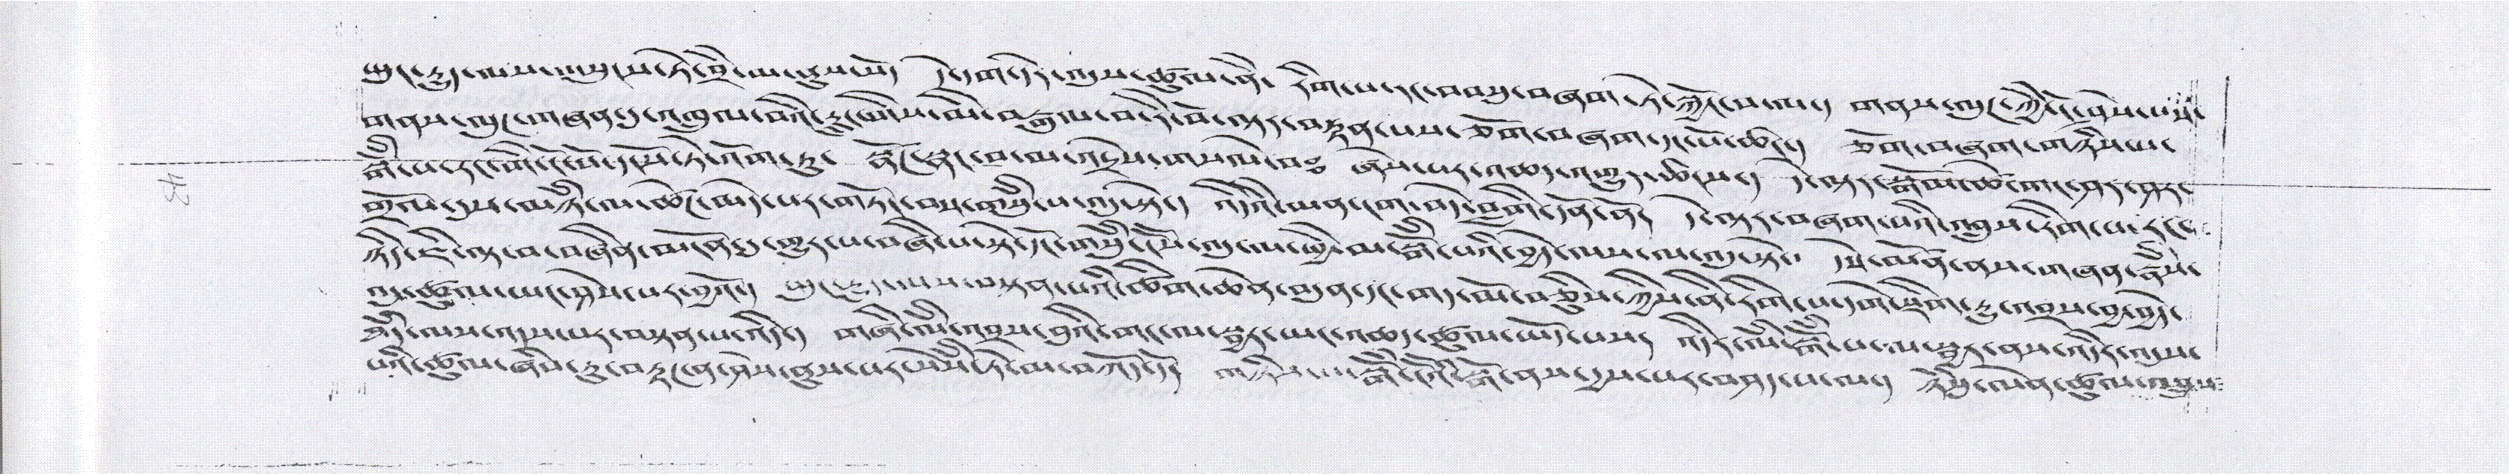སྤུངས་རྒྱུད་ལས་གསུངས་ཏེ་བྲི་མ་ནུས་སོ། དེ་དག་དེར་འདུས་ཚུལ་ནི། རིག་པ་རང་བབས་སུ་བཞག་སྟེ་སྐྱོང་བ་ལ། གནས་ལུགས་ཀྱི་ངོ་ཤེས་པ་དང་
གནས་ལུགས་གཞན་དུ་འཁྲུལ་པའི་རླུང་གིས་མི་བསྒུལ་བ་རི་བོ་ལྟར་བརྟན་པས་ཅོག་བཞག་དང་པོ་ཚང་། ཅོག་བཞག་གཉིས་པ་
སྒོམ་པ་རང་གི་ངོ་བོ་དངོས་ཏེ་འོག་ཏུ། སྣ་ཚོགས་སྣང་བ་མ་འདྲེས་གསལ་ལེ་བཿ ཞེས་པར་འཆད་འགྱུར་ཚངས། དེ་ལྟར་སྒོམ་ཚེ་གང་ཤར་ཤར་
གྲོལ་དུས་མཉམ་ལ་ཚེགས་མེད་པར་གཏོང་བས་གསུམ་པ་འདུ་སྟེ། འདིའི་མན་ངག་བདེ་བླག་གི་དོན་ནོ། དེ་ལྟར་བཞག་པའི་འབྲས་བུ་རིག་པ་རང་
ཉིད་ཇི་ལྟ་བ་བཞིན་མངོན་དུ་གྱུར་པ་བཞི་པ་སྟེ་དང་པོ་གསུམ་ངོ་བོས་འདུ་ལ་ཕྱི་མ་སྒོམ་པའི་བྱེད་ལས་ལ་འདུ་སྟེ། དེས་མཚོན་ནས་གཞན་རྣམས་
འདུ་ཚུལ་ཡང་ཤེས་པར་བྱའོ། སྤུངས་རྒྱུད་ལས་བསྟན་པའི་ཚིག་ཆེན་བདུན་དང་གད་མོ་བཅུ་གཉིས་རིག་པ་དགེ་སྡིག་རྒྱུ་འབྲས་བྱ་བྱེད་
ཐམས་ཅད་ལས་འདས་པར་བསྟན་པ་འདི་གཞི་ལམ་འབྲས་བུ་གང་ལ་སྦྱར་ཡང་འཆད་ཚུལ་ཡོད་པས། འདིར་ལམ་སྒོམ་པ་ལ་སྦྱར་ནས་འདིར་འདུས་
པའི་ཚུལ་ཞིབ་ཏུ་བརྟགས་ན་ཤེས་ནུས་པར་སེམས་ཏེ་མ་བཀོད་དོ། གཉིས་པ་སྒོམ་ངོ་བོའི་སྒོ་ནས་རྒྱས་པར་བཤད་པ་ལ། ཉམས་སུ་ལེན་ཚུལ་འབྲས་བུ་